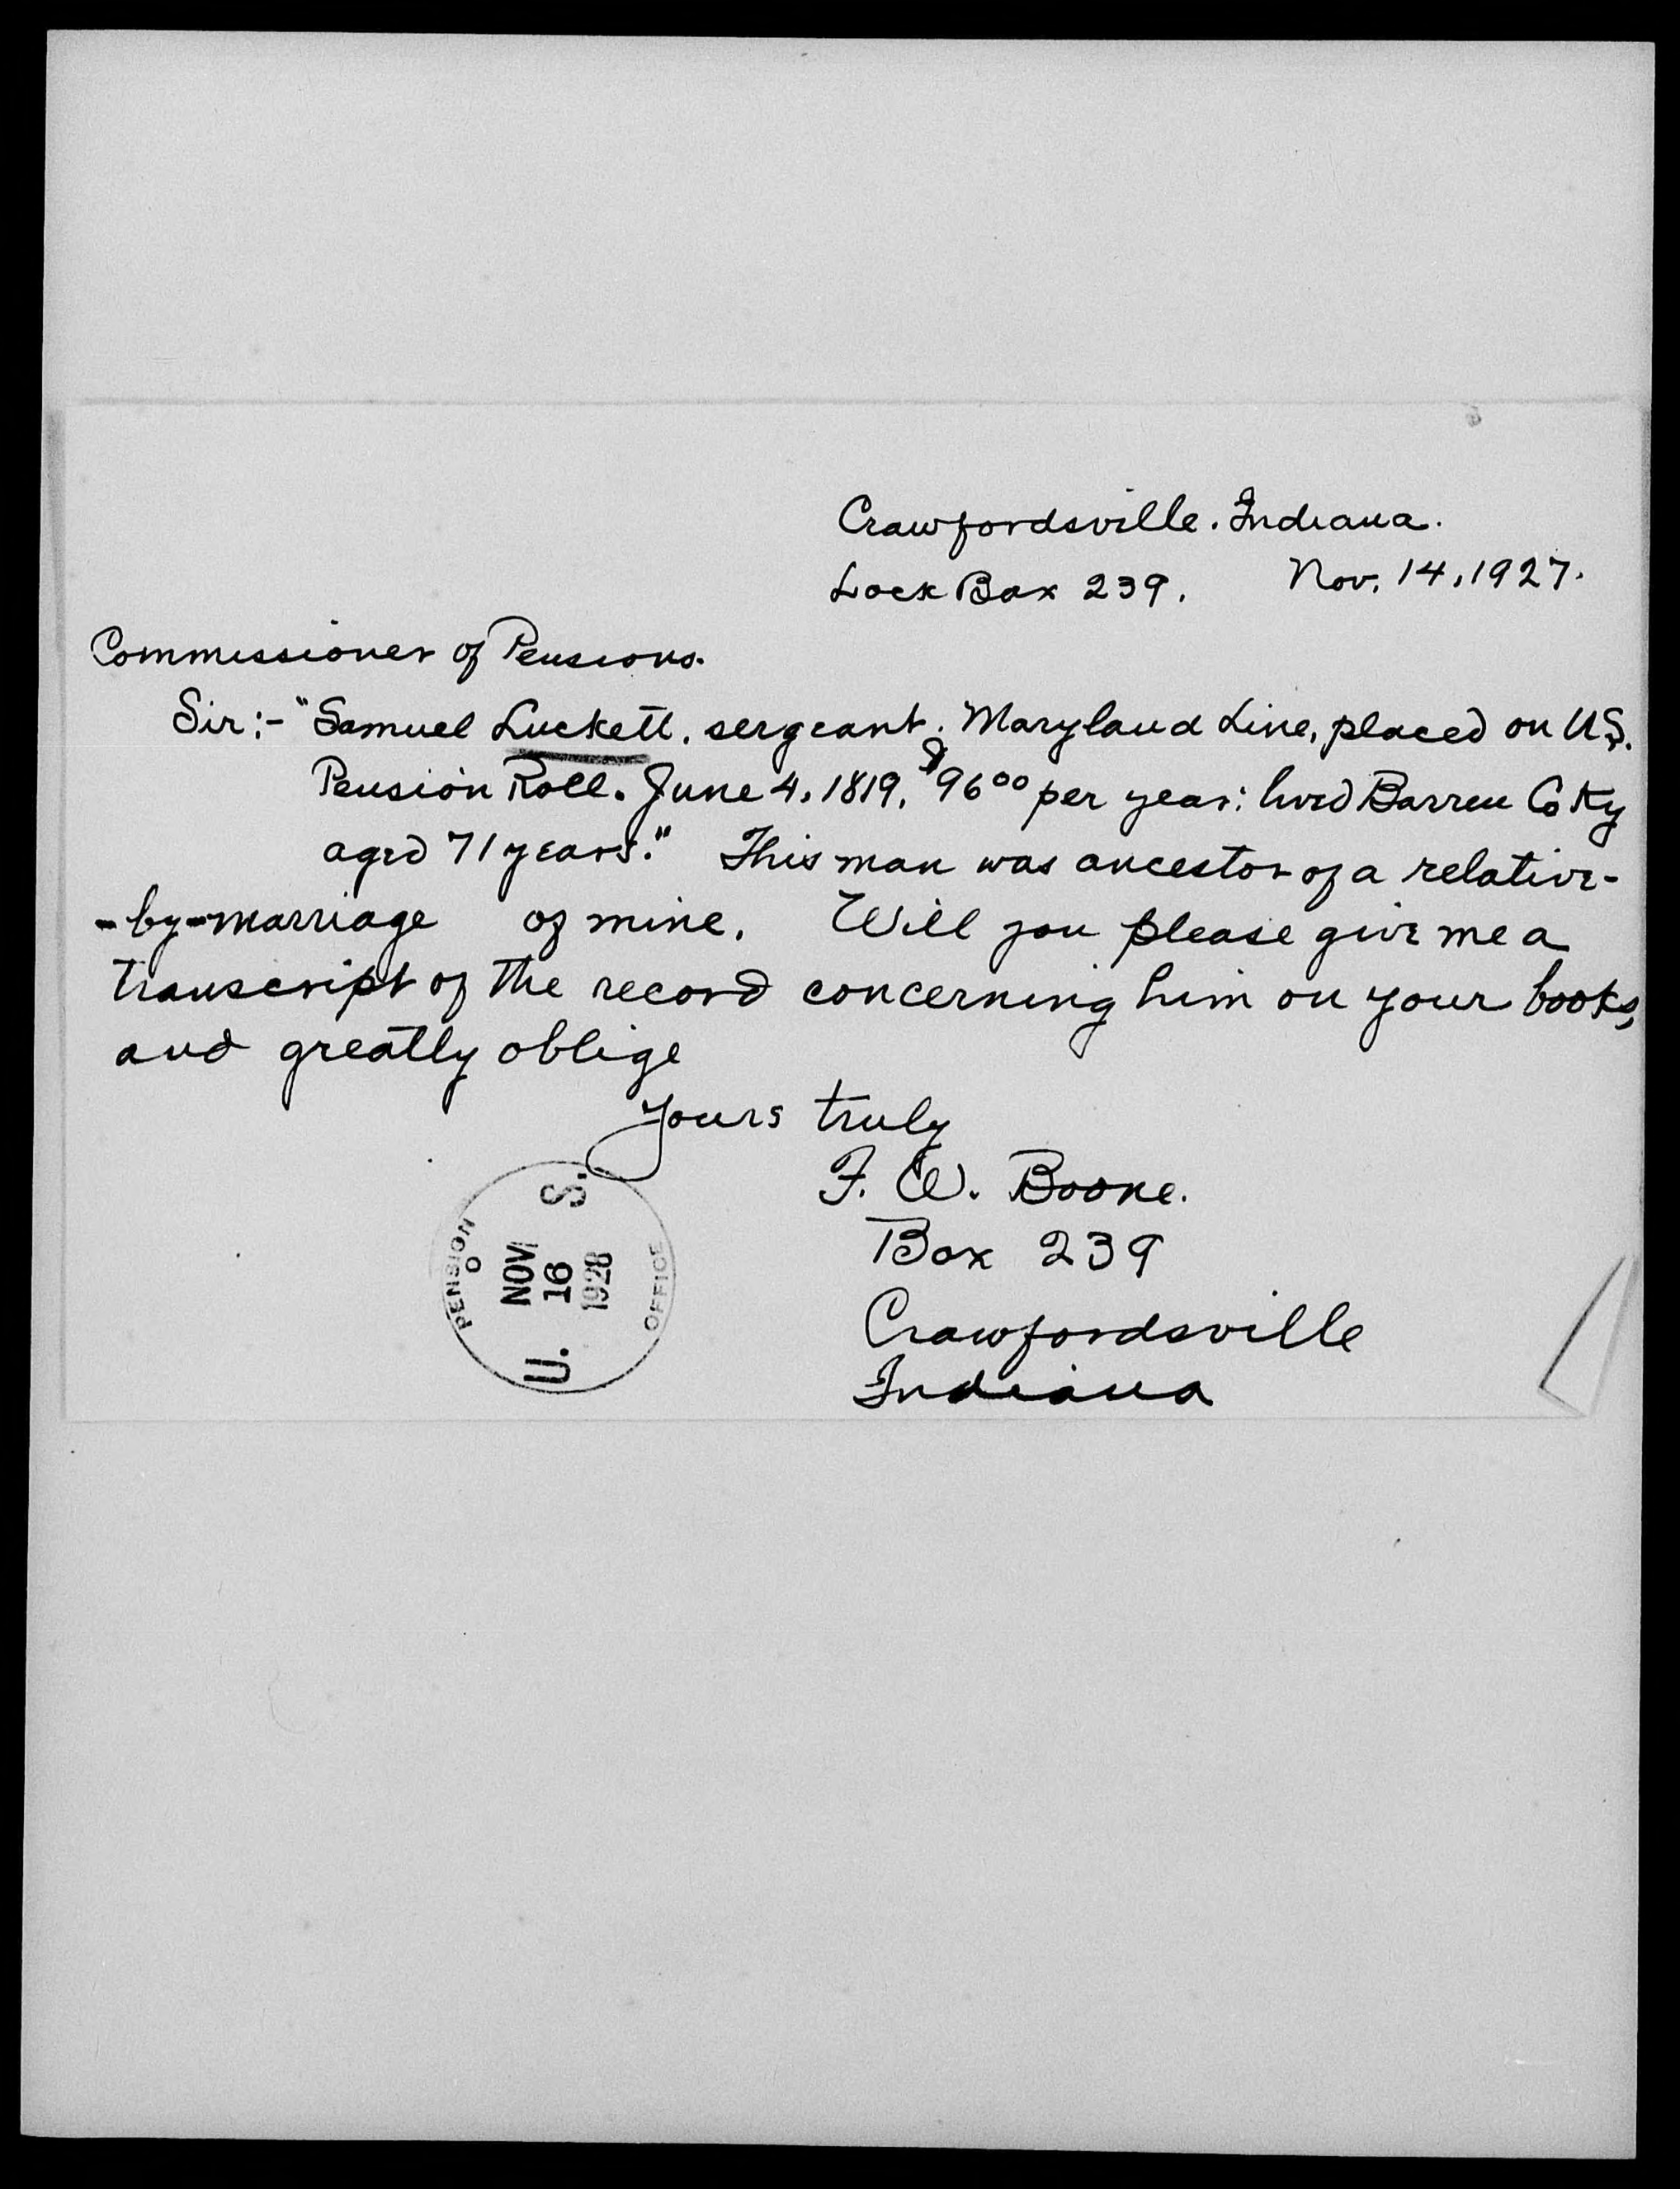Crawfordville, Indiana
Lock Box 239 Nov 14, 1927

Commissioner of Pensions

Sir

Samuel Luckett sergeant Maryland line placed on US Pension Roll June 4, 1819 $96.00 per year lived Barren Co Ky aged 71 years. This man was ancestor of a relative by marriage of mine. Will you please give me a transcript of the record concerning him on your books and greatly oblige.

Yours truly

F.W. Boone
Box 239
Crawfordville
Indiana

UD PENSION OFFICE Stamp - Nov 16, 1928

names: F W Boone; Samuel Luckett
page: 12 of 34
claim: survivor's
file: S. 36,051, for Samuel Luckett, Maryland